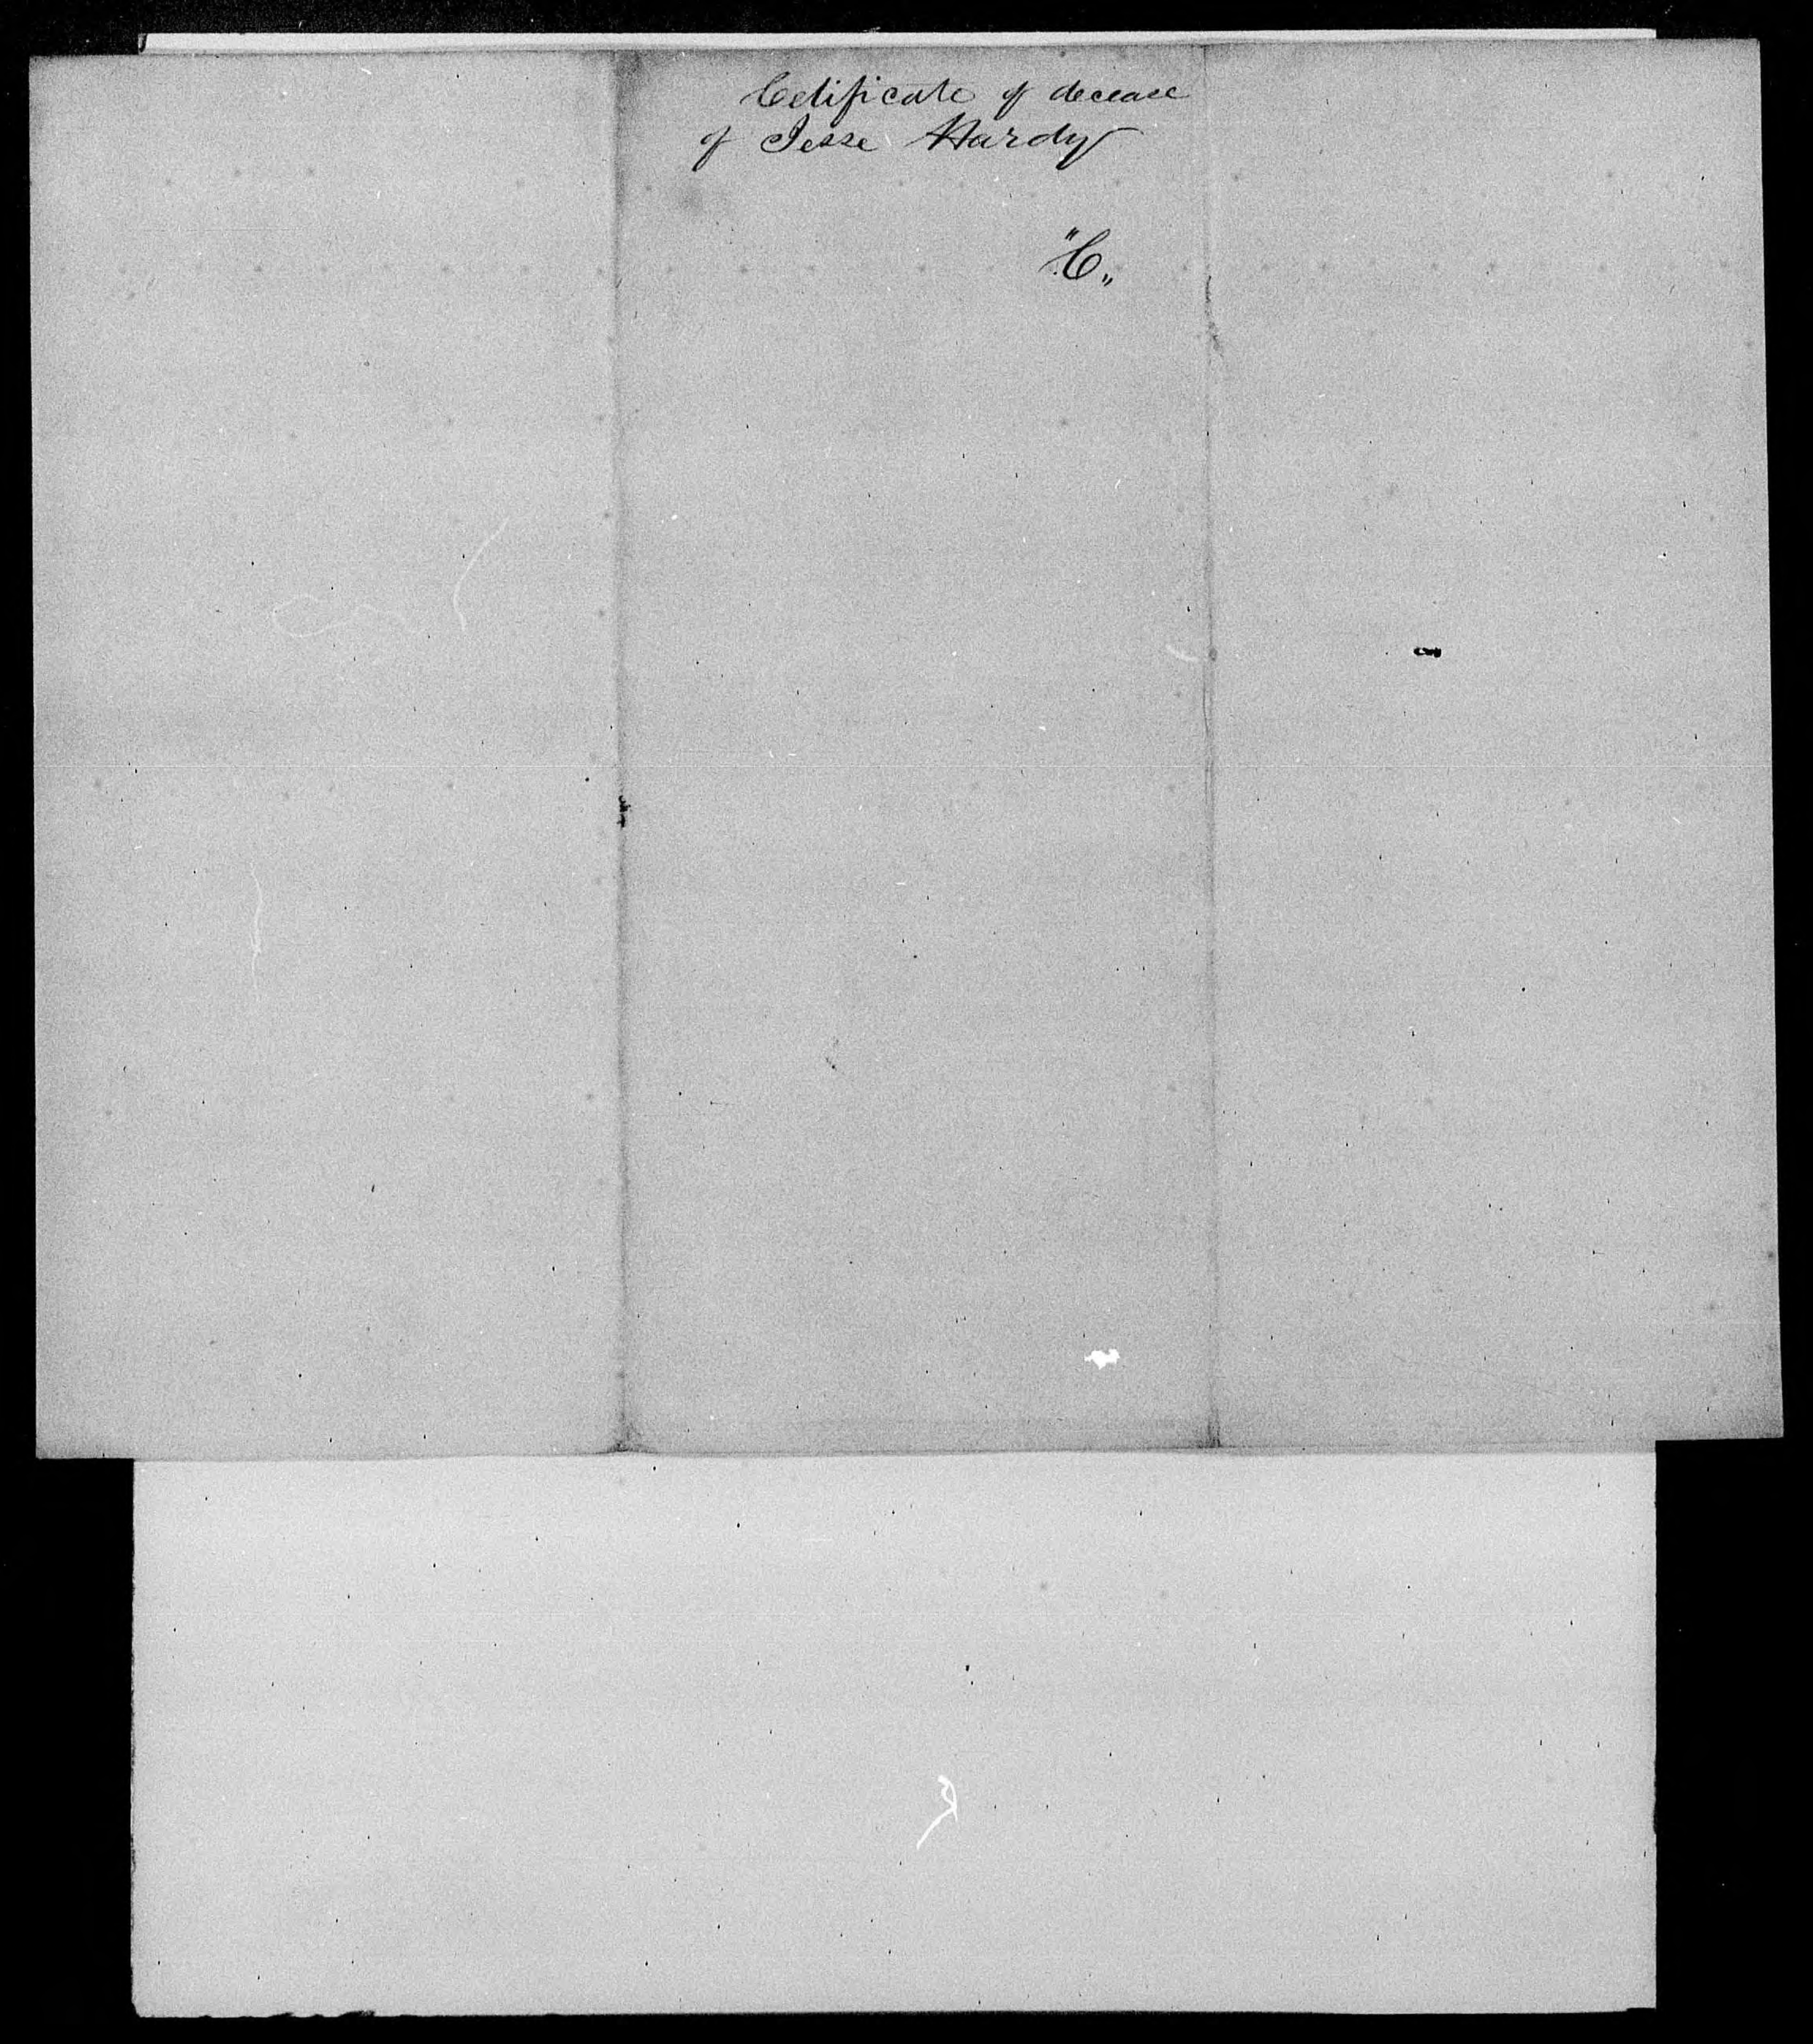Certificate of decease
of Jesse Hardy
"C"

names: Jesse Hardy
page: 56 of 67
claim: widow's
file: W. 23183, Jesse Hardy, Mass.